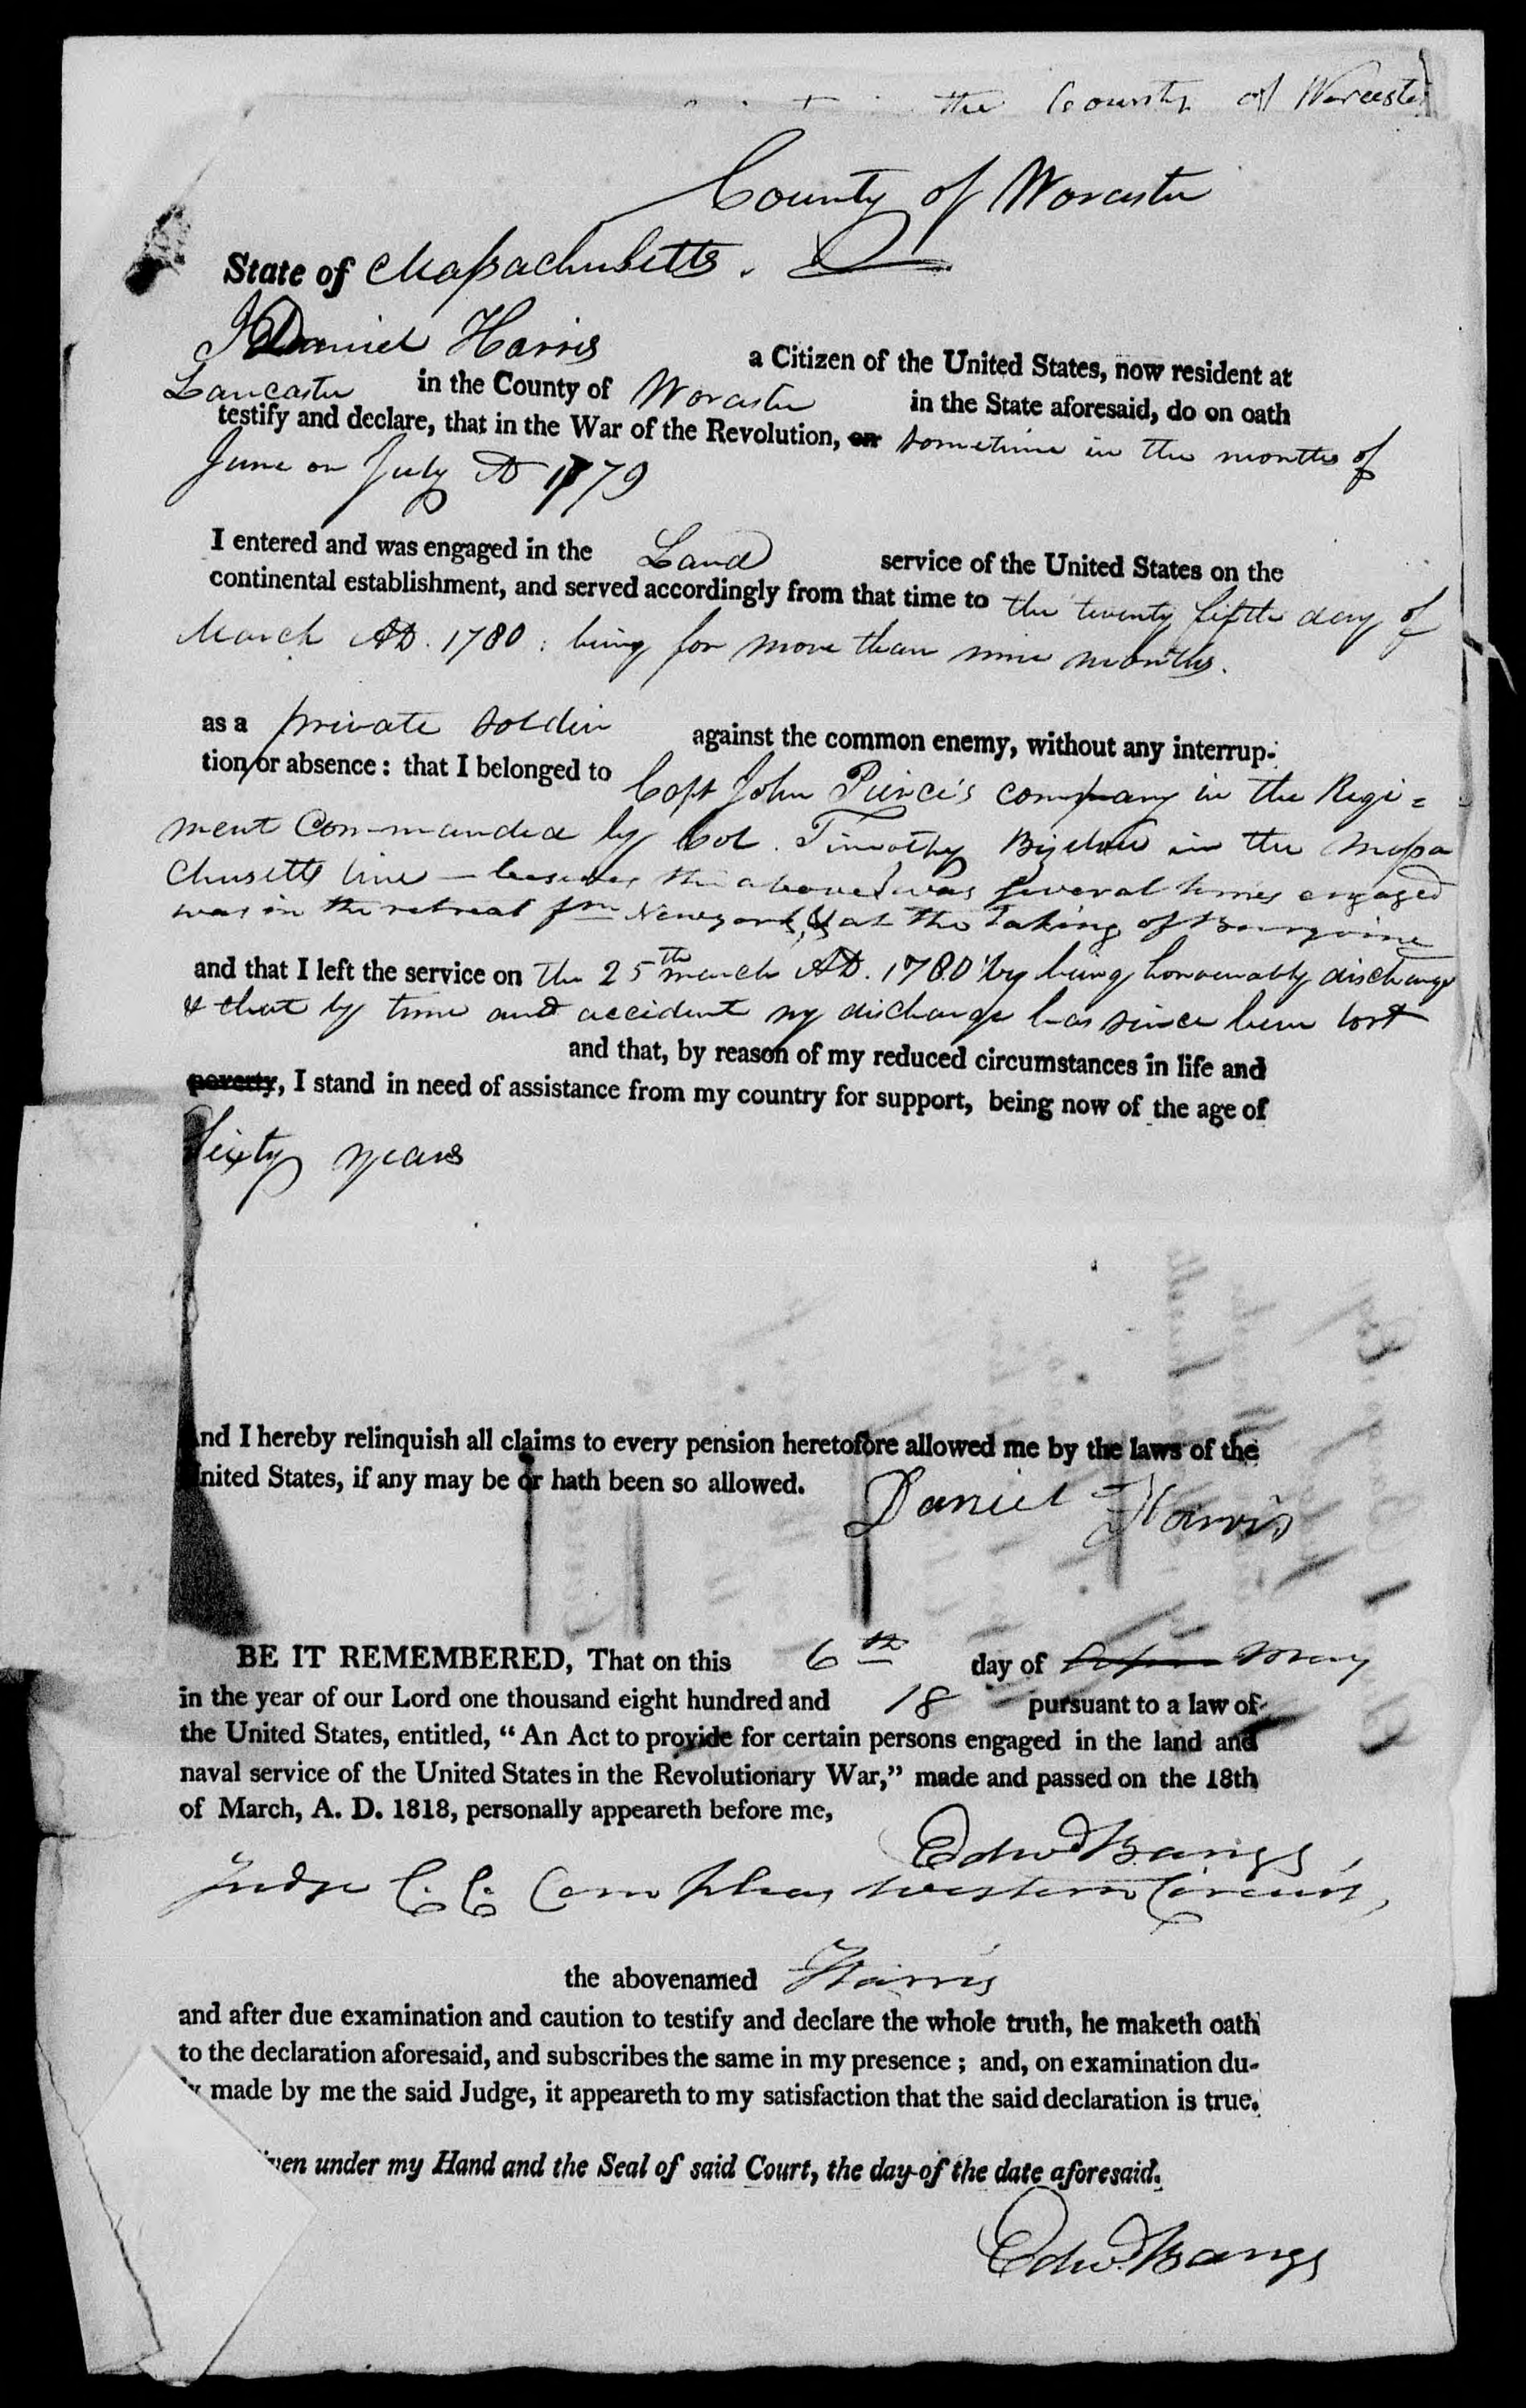County of Worcester
State of Massachusetts. 

I Daniel Harris a Citizen of the United States, now resident at Lancaster in the County of Worcester in the State aforesaid, do on oath testify and declare, that in the War of the Revolution, sometime in in the months of June or July to 1779

I entered and was engaged in the Land servide of the United States on the continental establishment, and served accordingly from that time to the twenty fifth day of March AD 1780" being for more than nine months as a private soldier against the common enemy, without an Interruption or absence : that I belonged to Capt John Pierce's company in the Regiment commanded by Col. Timothy Bigelow in the Massachusetts line - besides the above was several times engaged war in the retreat from (?) and was the taking of Burgoyne and that I left the service on the 25th March AD> 1780 by being honourable discharged & that by time and accident my discharge has since been lost and that, by reason of my reduced circumstances in life and in need of assistance from my country for support, being now of the age of  Sixty years

And I hereby relinquish all claims to every pension heretofore allowed me by the laws of the United States, if any may be or hath been so allowed. 
Signature of Daniel Harris

BE IT REMEMBERED, That on this 6th day of May in the year of our Lord one thousand eight hundred 18 pursuant to a law of the United States, entitle, "An Act to provide for certain persons engaged in the land and naval service of the United States in the Revolutionary War, " made and passed on March, A.D. 1818, personally appeareth before me, 

Signature of Edward Bangs, Judge C.C. Com Pleas  Western Circuit

the abovenamed Harris 
and after due examination and caution to testify and declare the whole truth, he maketh oath to the declaration aforesaid, and subscribed the same in my presence : and, on examination duly of the date aforesaid, made by me the said Judge, it appeareth to my satisfaction the the said declaration is true. 
Signature of Edward Bangs, Judge C.C. Com Pleas

[Illegible] given under my Hand and Seal of said Court, the day
ign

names: Timothy Bigelow, Edwd Bangs, Daniel Harris, Daniel Harris, Edwd Bangs, Harris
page: 28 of 68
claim: survivor's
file: S. 29,877, Daniel Harris, Mass.